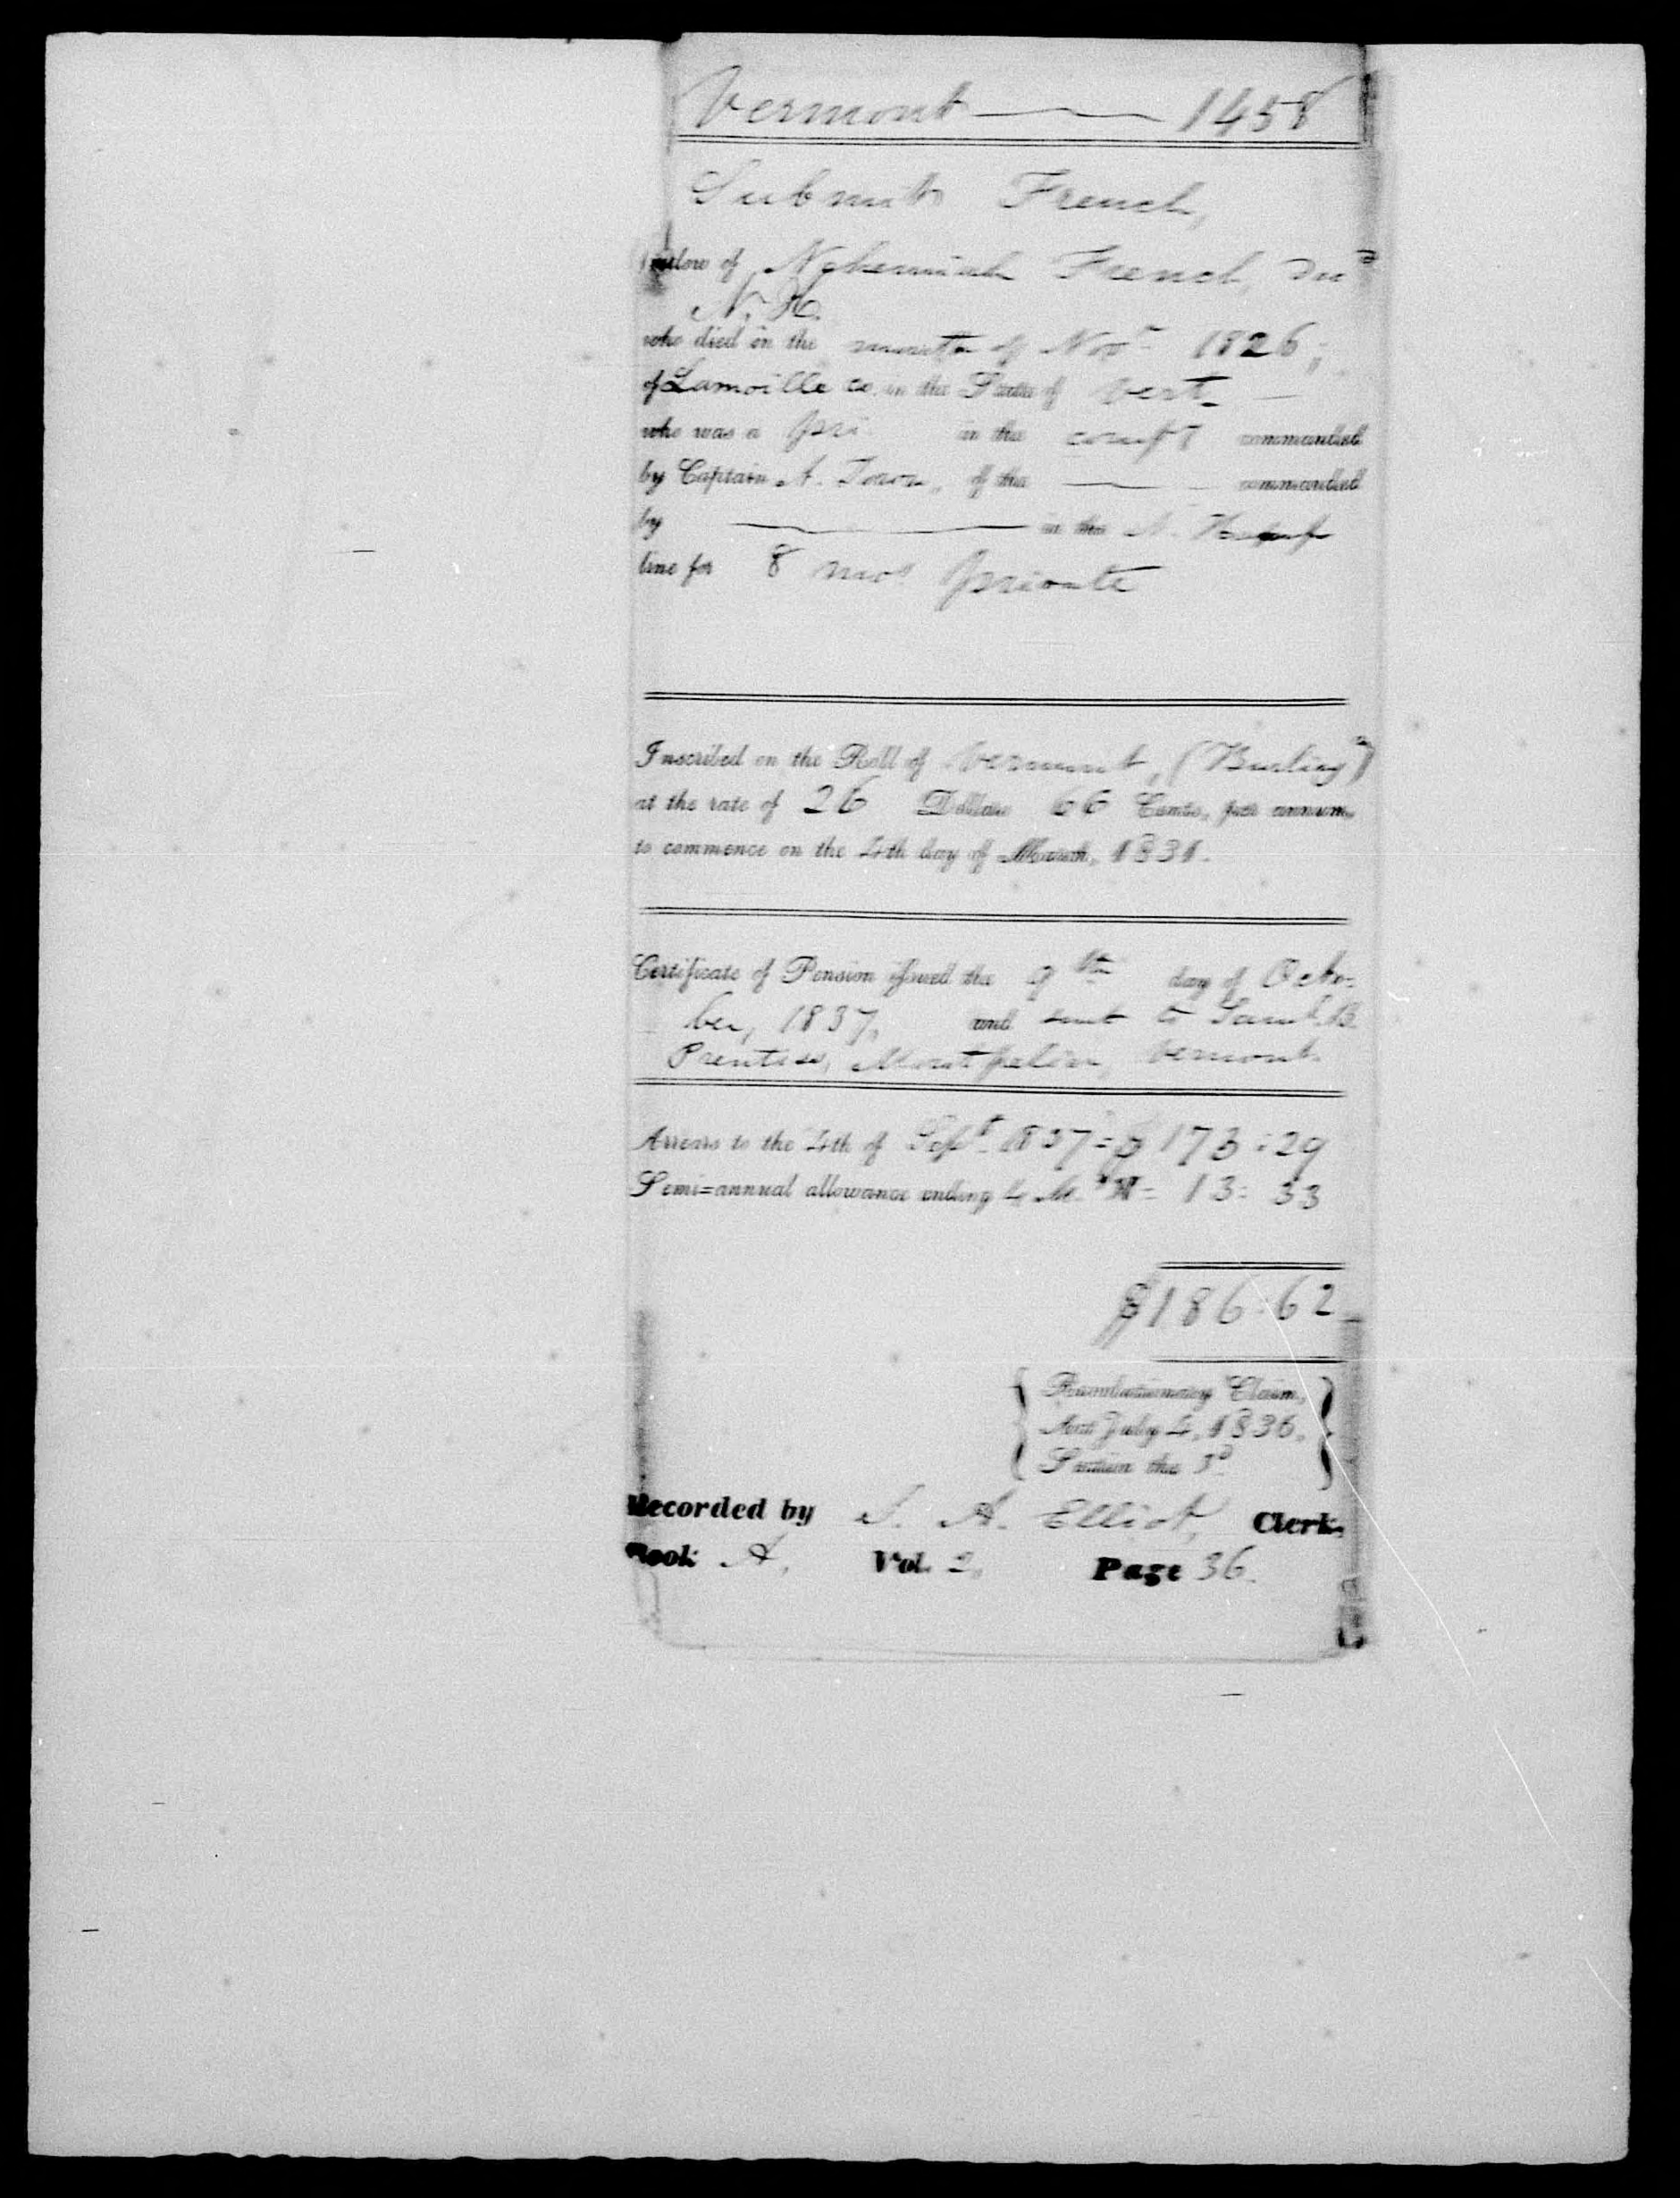Vermont----1458
============================
Submit French, 
widow of Nehemiah French Dec'd
N.H.
who died in the month of Nov'r. 1826;
of Lamoille Co. in the State of Ver't.
who was a pri. in the compy commanded
by Captain A. Town, of the--------commanded
by ----------in the N. Hampshire
line for 8 mos  private
============================
Inscribed on the Roll of Vermont, (Burling)
at the rate of 26 Dollars 66 Cents, per annum,
to commence on the 4th day of March, 1831.
============================
Certificate of Pension ifsued the 9th day of October, 1837, and sent to Sam'l B.
Prentiss, Montpelier, Vermont.
============================
Arrears to the 4th of Sept. 1837=.............$173:29
Semi=annual allowance ending 
4th N=......................................................................13:33
............................................................................======
................................................................................$186.62
............................................................................======
(Revolutionary Claim,)
(Act July 4, 1836,       )
(Section the 3d.        )

Recorded by J.A. Elliot, Clerk,
Book A.    Vol. 2.    Page 36.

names: A Town, J A Elliot, Saml B Prentiss, Submit French, Nehemiah French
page: 2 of 18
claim: widow's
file: W. 21,147, Nehemiah French, Mass. Or N.H.